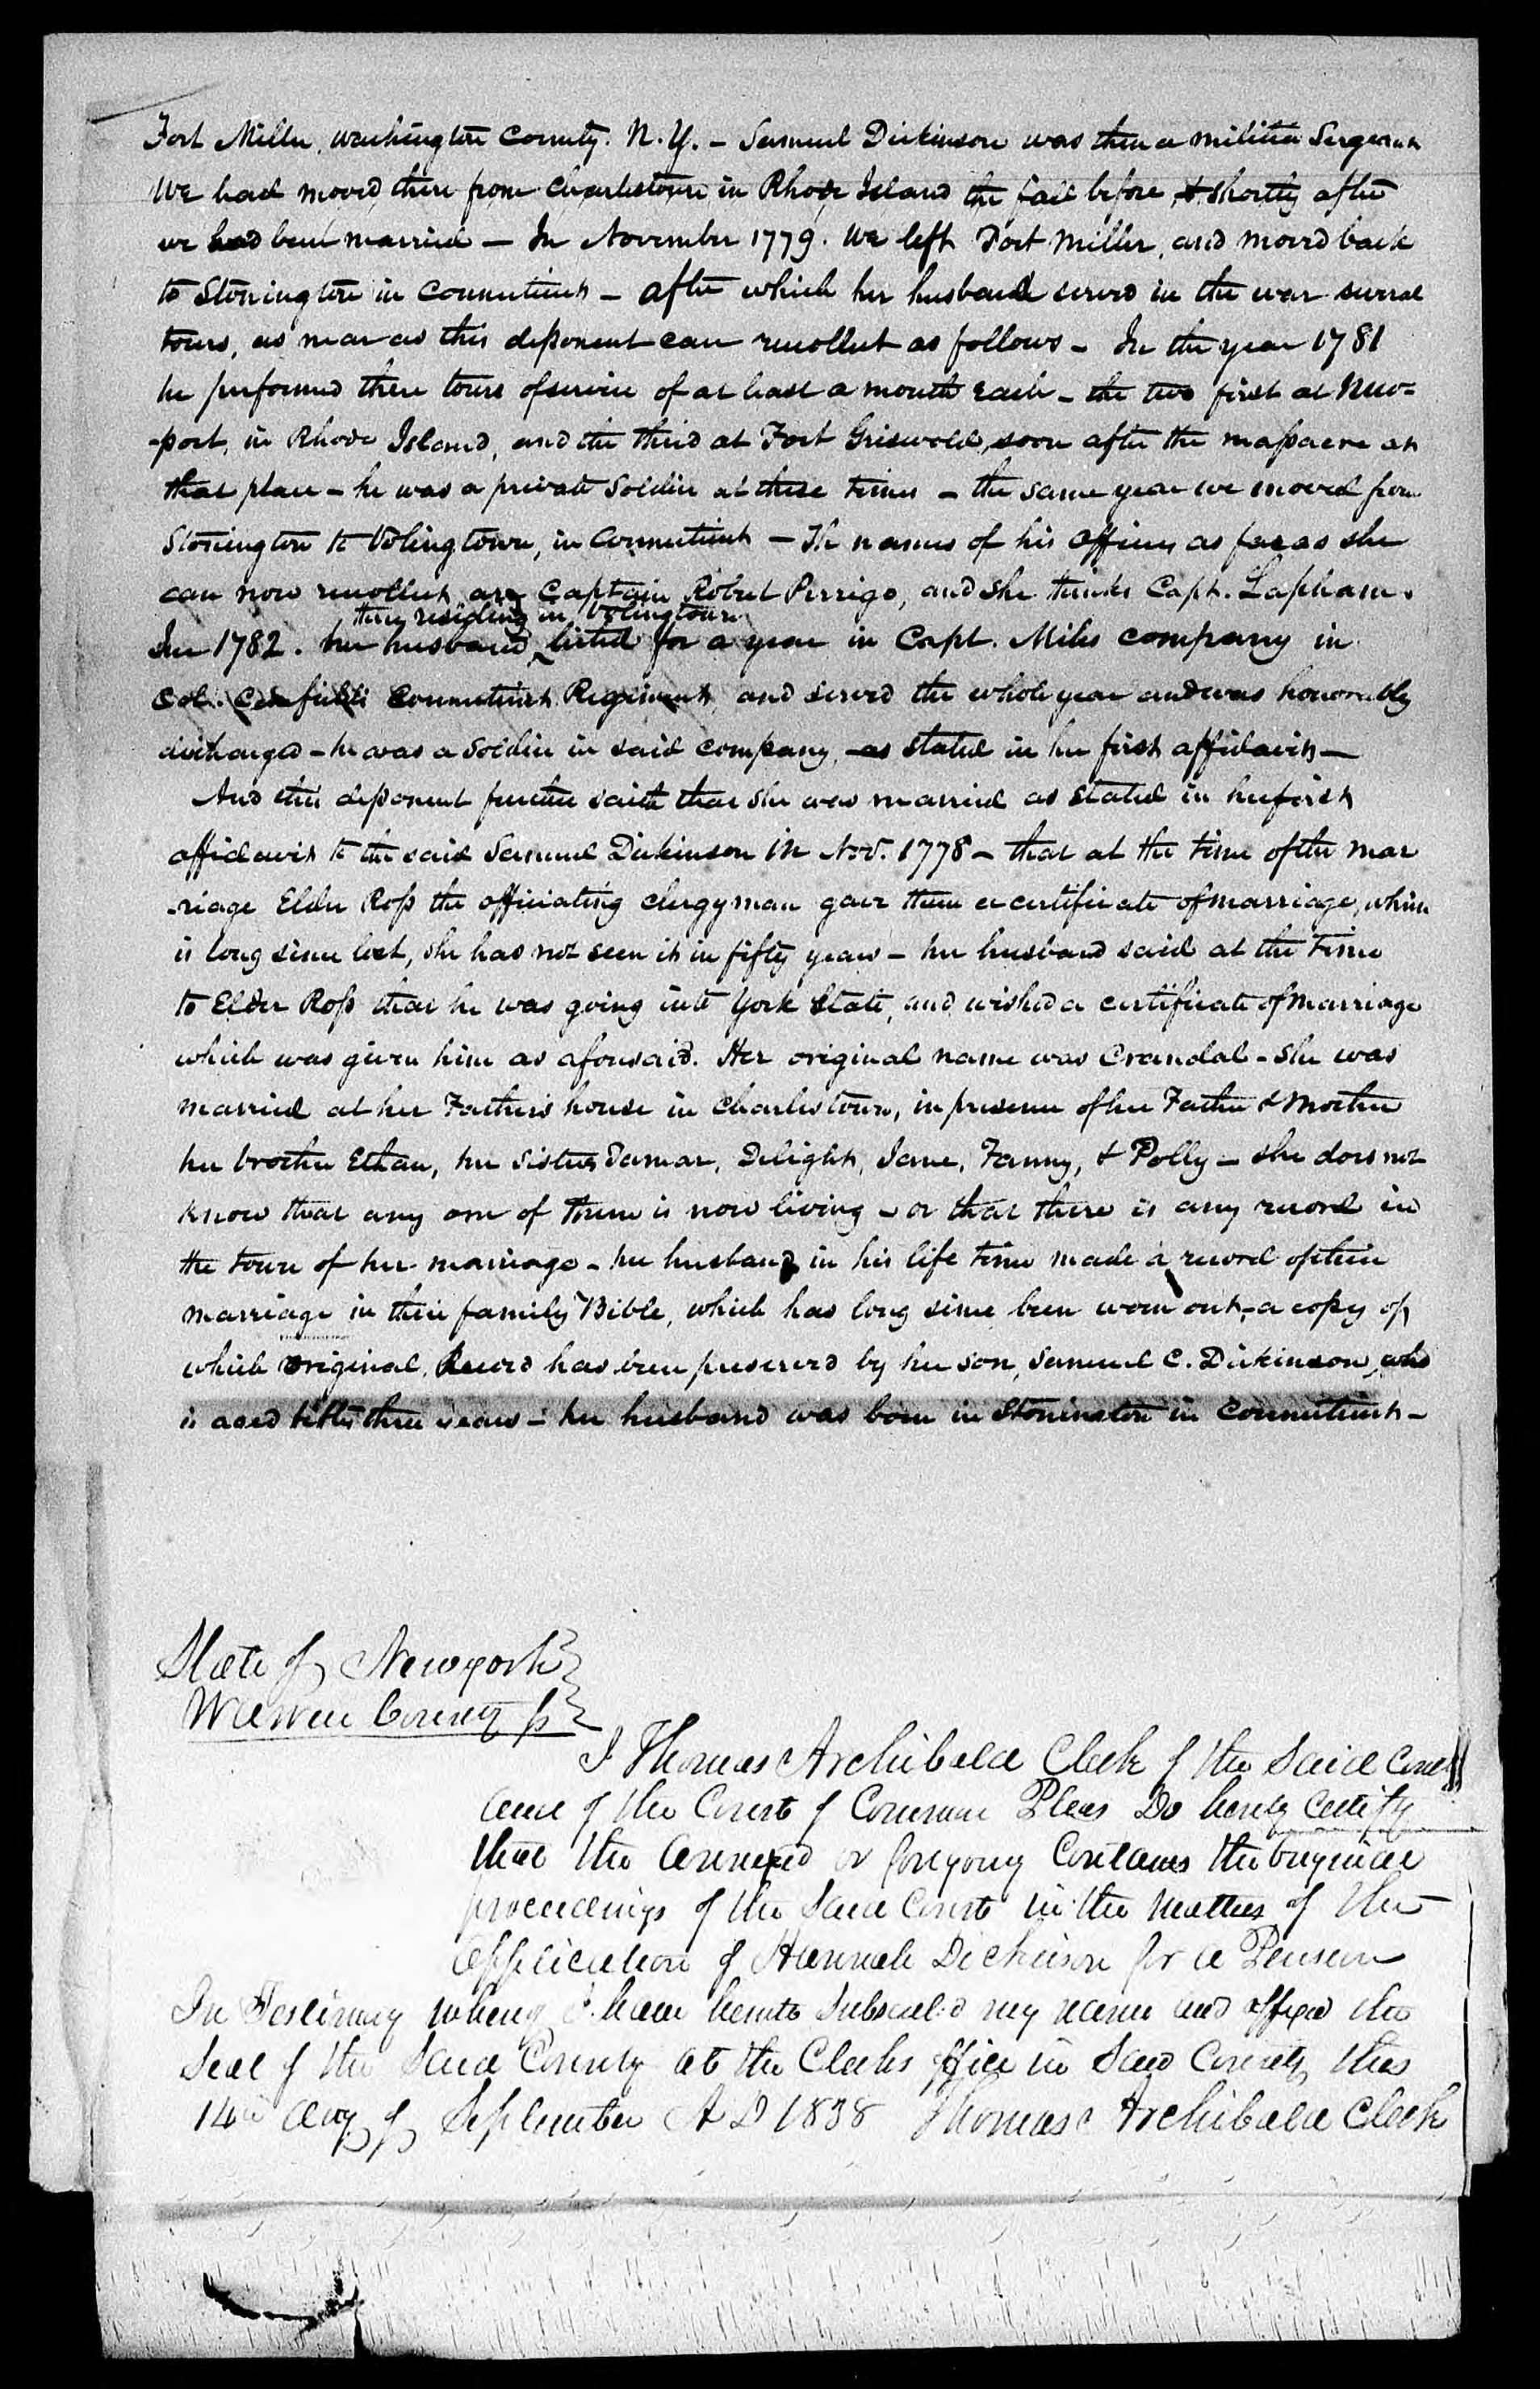Fort Miller Washington County N.Y. - Samuel Dickinson was then a militia sergeant. We had moved there from Charleston in Rhode Island the fall before shortly after we had been married - In November 1779. We left Fort Miller and moved back to Stonington in Connecticut - after which her husband served in the war several tours, as near as this deponent can recollect as follows - In the yea4 1781 her performed there tours of service of at least a month each - the two first at Newport in Rhode Island, and the third at Fort Griswold soon after the [illegible] on that place - he was a private soldier at these times - the same year we moved from Storington to Volingtown in Connecticut - The names of his officers as far as she can now [illegible] are Captain Robert Pirrigo and she thinks Capt. Laphain. In 1782 her husband then resided in Volingtown listed for a year in Capt. Miles company in Col [Colonel] Co[illegible] Connecticut Regiment and served the whole year and was honorably discharged - he was a soldier in said company as stated in his first affidavit 
Add this deponent further saith that she was married as stated in her first affidavit to the said Samuel Dickenson in Nov [November] 1778 that at the time of the marriage Elder Ross the officiating clergyman gave them a certificate of marriage which is long since lost, she has not seen it in fifty years - her husband  said at that time to Elder Ross that he was going into York State and wished a certificate of marriage which was given him as aforesaid. Her original name was Crandal She was married at her father's house in Charlestown in presence of her father an mother, her brother Ethan, her sisters Tamar, Delighn, Jane Fanny and ,Polly She does not know that any one of them is now living or that there is any record in the town of her marriage Her husband in his life tine made a record of the marriage in their family Bible which has long since been worn out a copy of which original record has been preserved by her son, Samuel  C. Dickinson, who is aged fifty three years Her husband was born in Stonington in Connecticut.
State of New Yrok
Warren County
I Thomas Archibald Clerk of the said County and of the Court of Common Pleas do hereby certify that the annexed and foregoing contains the [illegible] proceedings of the said Court in the matter of the application of Hannah Dickinson for a pension
In testimony whereof I have hereunto subscribed my name and affixed the seal of said County at the Clerks office in said County this 14th day of September AD 1838
Thomas Archibald Clerk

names: Robert Perrigo, Samuel Dickinson, Polly, Elder Ross, Samuel C Dickinson, Samuel Dickinson, Thomas Archibald, Ethan, Elder Ross, Thomas Archibald, Damar, Hannah Dickinson, Lapham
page: 48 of 60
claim: widow's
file: W 16,955, Samuel Dickinson, Conn.